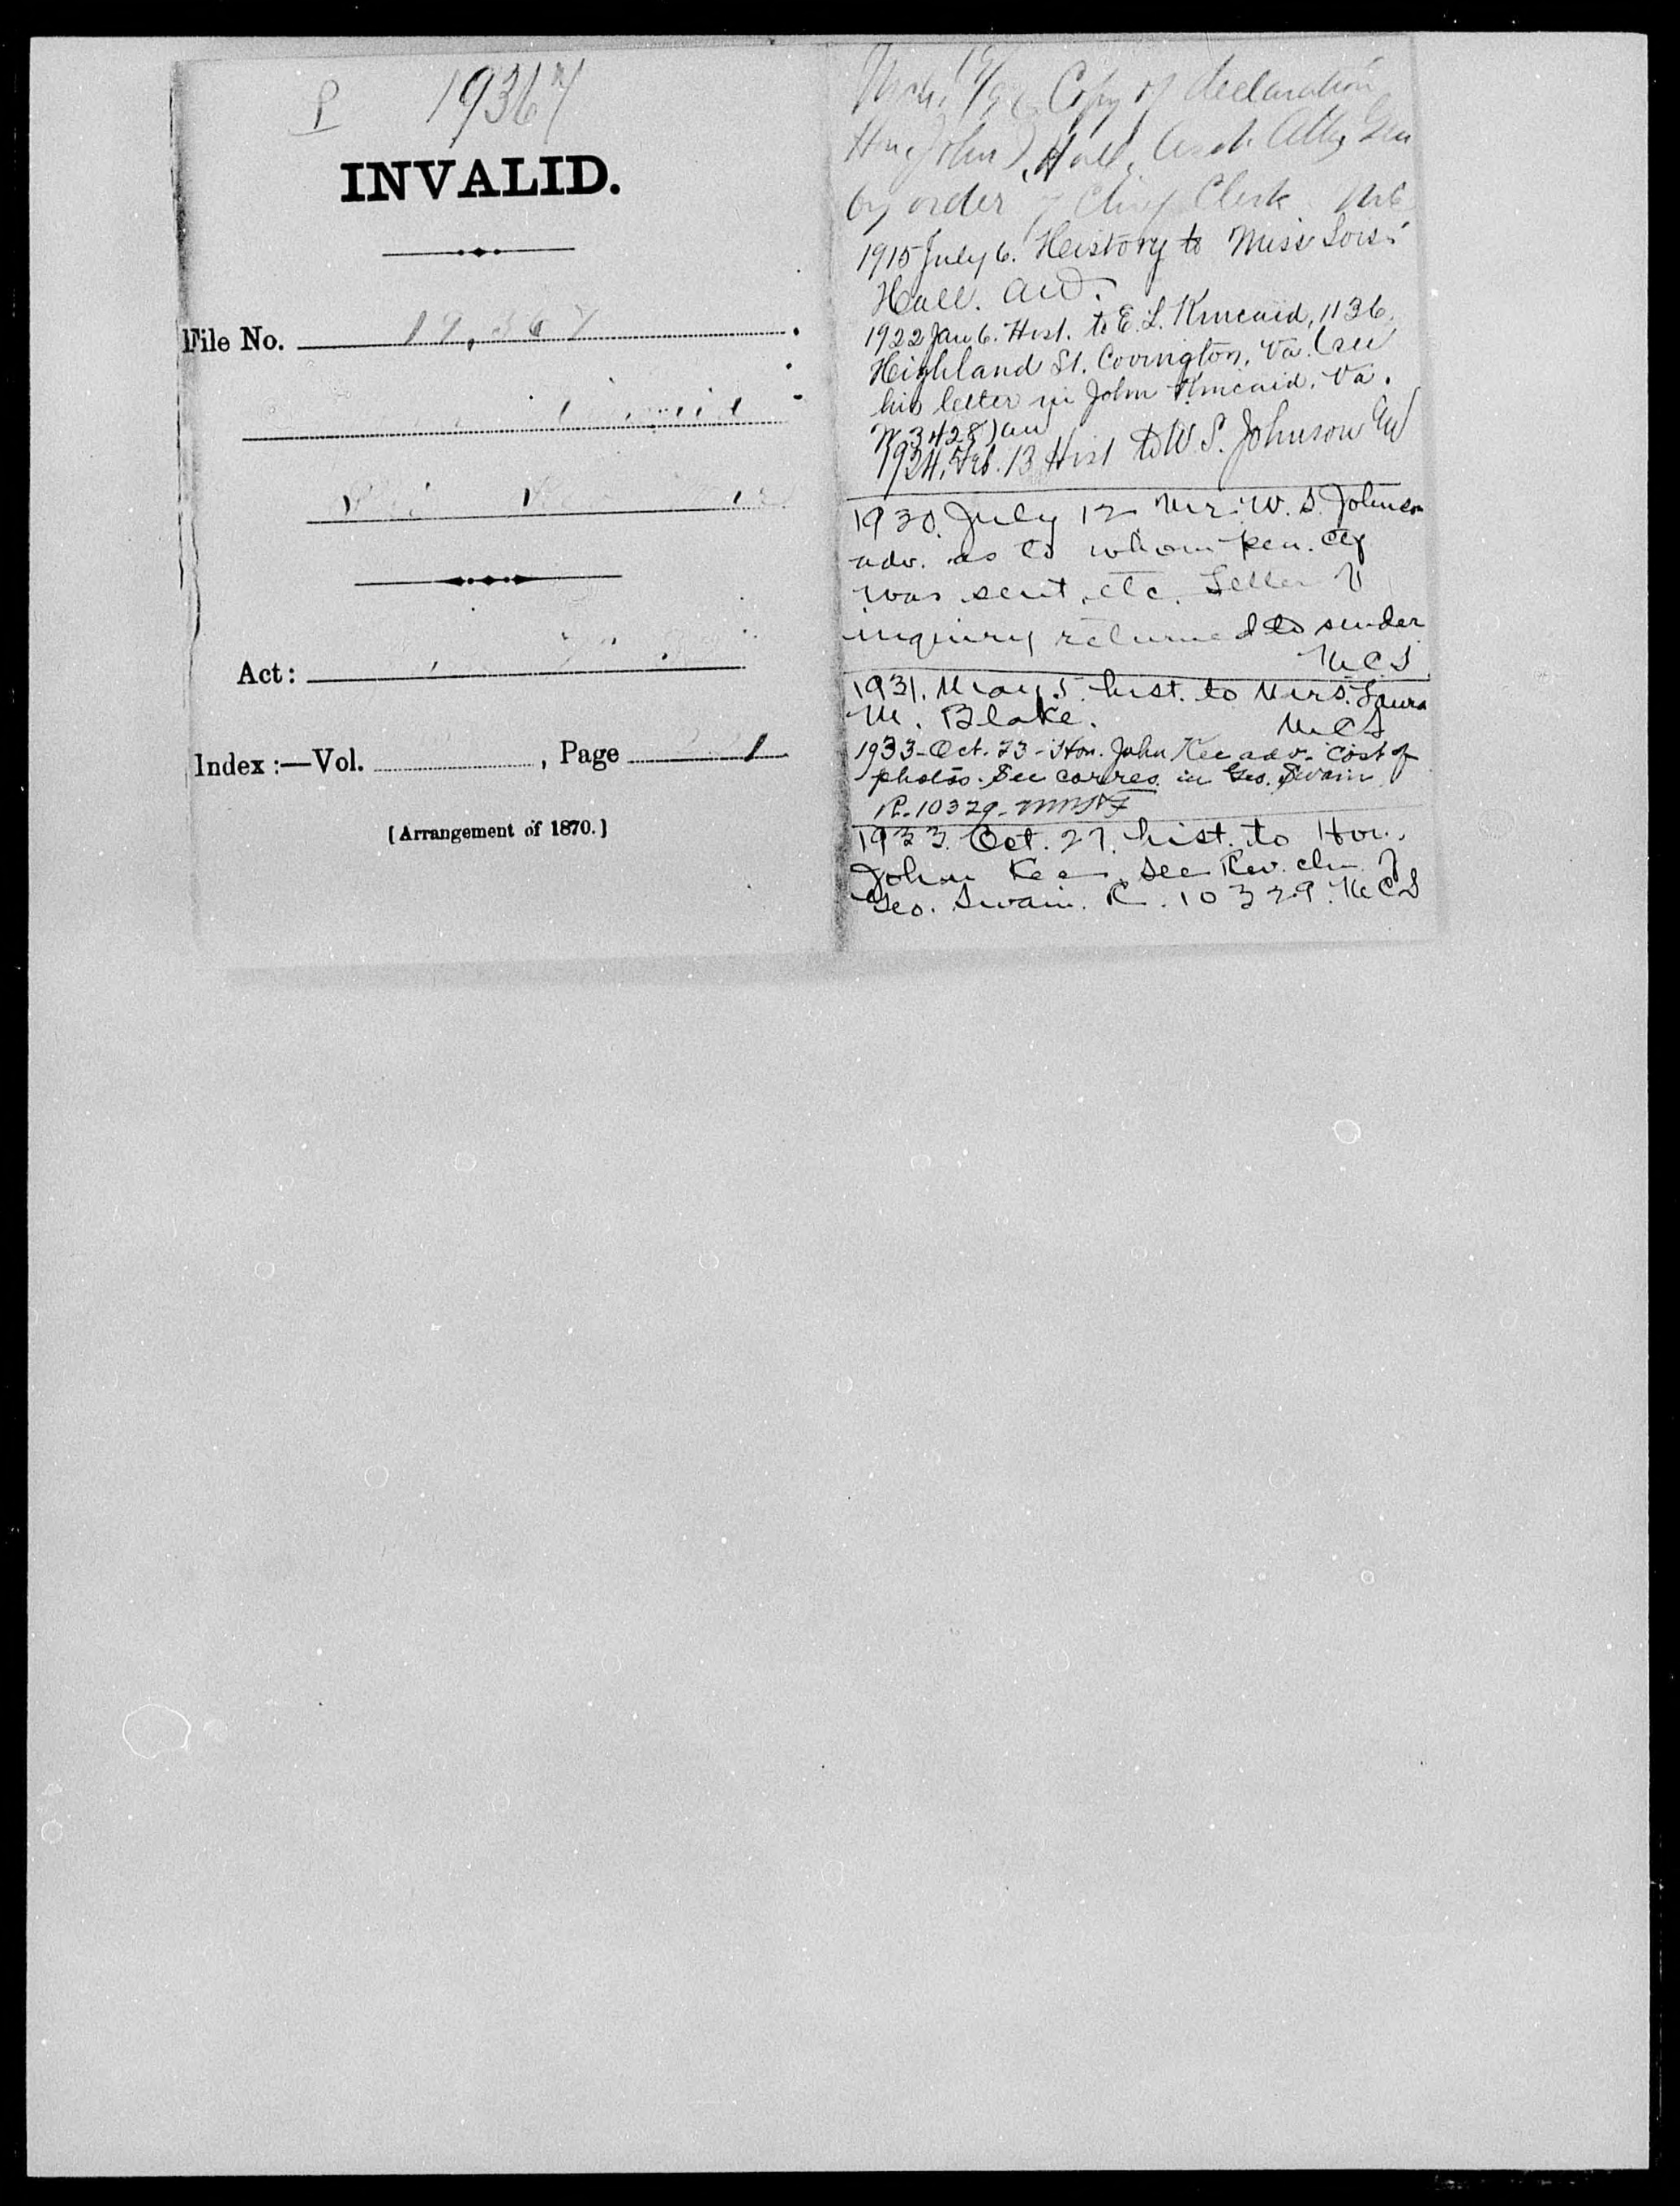19367

INVALID

File No. 19367



[Arrangement of 1870]

Right side


March 19/96 Copy of declaration 
Hon. John J. Hall Asst. Atty Gen.
by order of Chief Clerk 

1915 July 6 History to Miss Lois Hall AW

1922 Jan. 6 Hist. to E.L. Kincaid, 1136
Highland St. Covington, Va. (see his letter in John Kincaid, Va.
W3428 

1924 Feb. 13 Hist. to W.S. Johnson

_________________________________________________

1930 July 12 W.S. Johnson adv. as to whom pen ctf. was sent etc. Letter of inquiry returned to sender

_____________________________________________
1931 May 5 hist. to Mrs. Laura W. Blake

1933 Oct. 23 - Hon. John Kee adv. cost of photos.  See corres. in Geo. Swain 
R.10329 
________________________________
1933 Oct. 27 hist. to Hon. John Kee see Rev. claim of Geo. Swain C.10329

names: Lois Hall; John Kee; Laura M Blake; John Kincaid; John Hall; John Kecado; E L Kincaid; W S Johnson; Geo Swain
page: 13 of 33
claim: survivor's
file: S. 19367, for John Kincaid, Virginia